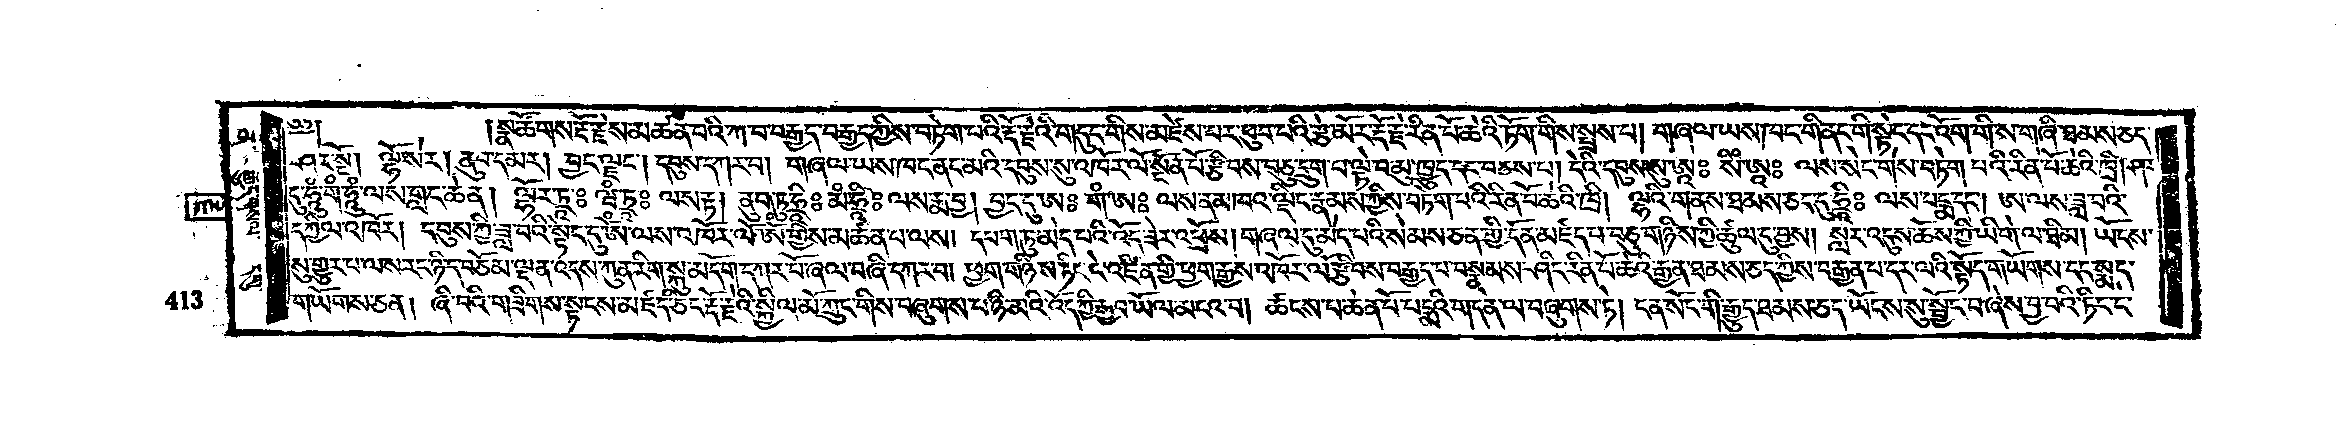༄༅། །སྣ་ཚོགས་རྡོ་རྗེས་མཚན་པའི་ཀ་བ་བརྒྱད་བརྒྱད་ཀྱིས་བཏེག་པའི་རྡོ་རྗེའི་གདུང་གིས་མཛེས་པར་ཕུབ་པའི་རྩེ་མོར་རྡོ་རྗེ་རིན་པོ་ཆེའི་ཏོག་གིས་སྤྲས་པ། གཞལ་ཡས་ཁང་གི་ནང་གི་སྟེང་དང་འོག་གི་ས་གཞི་ཐམས་ཅད་
ཤར་སྔོ། ལྷོ་སེར། ནུབ་དམར། བྱང་ལྗང་། དབུས་དཀར་བ། གཞལ་ཡས་ཁང་ནང་མའི་དབུས་སུ་འཁོར་ལོ་སྔོན་པོ་རྩིབས་བཅུ་དྲུག་པ་ལྟེ་བ་མུ་ཁྱུད་དང་བཅས་པ། དེའི་དབུས་སུ་ཨཱཿ སིཾ་ཨཱཿ ལས་སེང་གེས་བཏེག་པའི་རིན་པོ་ཆེའི་ཁྲི། ཤར་
དུ་ཧཱུཾ་གཾ་ཧཱུཾ་ལས་གླང་ཆེན། ལྷོར་ཏྲཱཿ ཝཾ་ཏྲཱཿ ལས་རྟ། ནུབ་ཏུ་ཧྲཱིཿ མཾ་ཧྲཱིཿ ལས་རྨ་བྱ། བྱང་དུ་ཨཿ གཾ་ཨཿ ལས་ནམ་མཁའ་ལྡིང་རྣམས་ཀྱིས་བཏེག་པའི་རིན་པོ་ཆེའི་ཁྲི། ལྷའི་གནས་ཐམས་ཅད་དུ་ཧྲཱིཿ ལས་པདམ་དང་། ཨ་ལས་ཟླ་བའི་
དཀྱིལ་འཁོར། དབུས་ཀྱི་ཟླ་བའི་སྟེང་དུ་ཨོཾ་ལས་འཁོར་ལོ་ཨོཾ་གྱིས་མཚན་པ་ལས། དཔག་ཏུ་མེད་པའི་འོད་ཟེར་འཕྲོས། གཞལ་དུ་མེད་པའི་སེམས་ཅན་གྱི་དོན་མཛད་པ་བཅུ་གཉིས་ཀྱི་ཚུལ་དུ་བྱས། སླར་འདུས་ཆོས་ཀྱི་ཡི་གེ་ལ་ཐིམ། ཡོངས་
སུ་གྱུར་པ་ལས་རང་ཉིད་བཅོམ་ལྡན་འདས་ཀུན་རིག་སྐུ་མདོག་དཀར་པོ་ཞལ་བཞི་དཀར་བ། ཕྱག་གཉིས་ཏིང་ངེ་འཛིན་གྱི་ཕྱག་རྒྱས་འཁོར་ལོ་རྩིབས་བརྒྱད་པ་བསྣམས་ཤིང་རིན་པོ་ཆེའི་རྒྱན་ཐམས་ཅད་ཀྱིས་བརྒྱན་པ་དར་ལའི་སྟོད་གཡོགས་དང་སྨད་
གཡོགས་ཅན། ཞི་བའི་གཟིགས་སྟངས་མཛད་ཅིང་རྡོ་རྗེའི་སྐྱིལ་མོ་ཀྲུང་གིས་བཞུགས་པ་ཉི་མའི་འོད་ཀྱི་རྒྱབ་ཡོལ་མངའ་བ། ཚངས་པ་ཆེན་པོ་པདམའི་གདན་ལ་བཞུགས་ཏེ། ངན་སོང་གི་རྒྱུད་ཐམས་ཅད་ཡོངས་སུ་སྦྱོང་བཞེས་བྱ་བའི་ཏིང་ངེ་